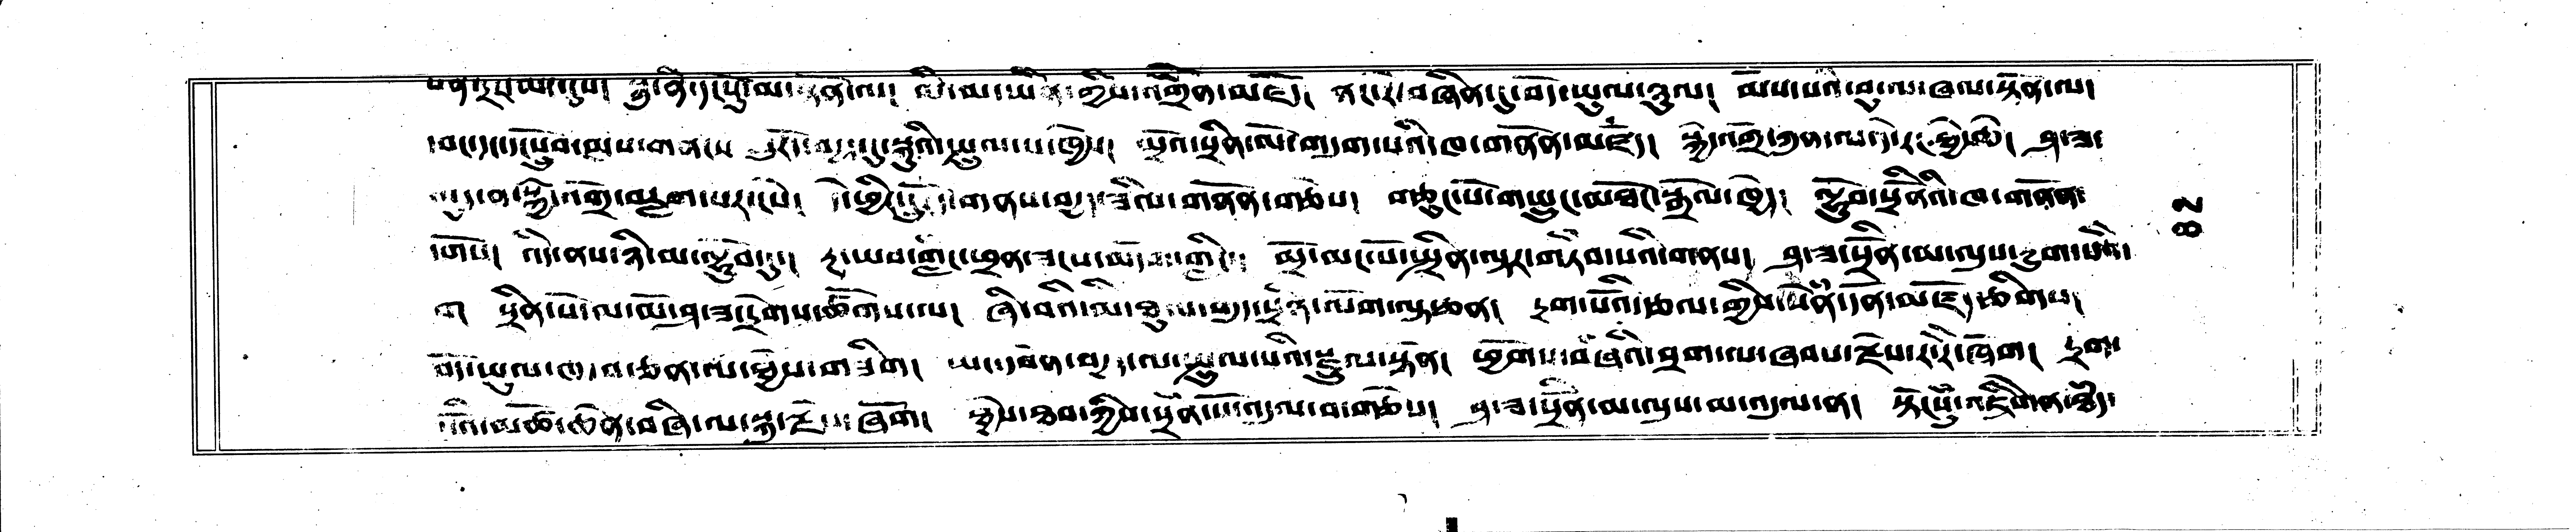སེམས་ཅན་དྲང་བའི་དོན། སྐུ་ནི་དངོས་སུ་མ་སྟོན་ལ། མ་མ་ཡིན་གྱི་འགྲོ་དོན་མཛོད། ནང་རེ་བཞིན་དུ་བོད་ཡུལ་ཉུལ། མོས་པའི་བུ་ལ་ཞལ་སྟོན་ལ། 
དབང་དང་དངོས་གྲུབ་མ་ལུས་གནངས། དུར་ཁྲོད་བརྒྱད་དུ་སྐུའི་སྤྲུལ་པ་ཁྱོས། མཁའ་འགྲོ་སྲིན་མོ་གདུག་པའི་ཁ་གནོན་མཛོད། སྐྱེ་འགྲོ་ཀུན་ལ་དེ་རང་ཐུགས་རྗེ་ཆེ། ཤ་ཟ་
འདུད་ན་སྐྱེ་འགྲོ་བརླག་པར་ངེས། དེ་ཕྱིར་དུར་ཁྲོད་གནས་བརྒྱད་ཟིལ་གནོན་གཅེས། གཅུང་པོ་གཡུང་དྲུང་མཐོང་སྒྲོལ་ཁྱེད། ལྷོ་ནུབ་སྲིན་པོའི་ཁ་གནོན་
དགོས། འདི་ནས་ཉི་མ་ལྷོ་ནུབ་ཏུ། རྔ་ཡབ་གླིང་ཕྲན་ཟངས་མདོག་གླིང་། མཁའ་འགྲོ་མང་པོ་སྤྲིན་ལྟར་གཏིབས་པའི་གནས། ཤ་ཟ་སྲིན་པོ་མ་ལུས་སྲིན་པོའི་
ཤ །སྲིན་པོ་ལ་མོ་ཤ་ཟ་སྲིན་པོ་ལ་མོ་ཤ་ཟ་དྲེགས་ཚོགས་ལ། ཞི་བའི་མི་ཐུལ་བདུད་སྲིན་ལོག་ལྟ་ཅན། དྲག་པོའི་རྩལ་གྱིས་སེམས་ཅན་དོན་མཛོད་ཅིག 
བོད་ཡུལ་ཁ་བ་ཅན་ལ་ཐུགས་རྗེས་གཟིགས། ཡང་དབེན་བརྒྱད་ལ་སྤྲུལ་པའི་རྫུ་འཕྲུལ་སྟོན། ཕྱོགས་བཞིའི་བྲག་ལ་ཞབས་རྗེས་རེ་རེ་ཞོག དྲག་
པོའི་མཚོ་ཆེན་བཞི་ལ་སྐུ་རྗེས་ཞོག ཐུགས་རྗེ་ཐབས་ཀྱིས་སྲིན་པོ་འདུལ་བ་གཅེས། ཤ་ཟ་སྲིན་པོ་མ་ལུས་མ་འདུལ་ན། སྟོང་གསུམ་འཇིག་རྟེན་ཐམས་ཅད་